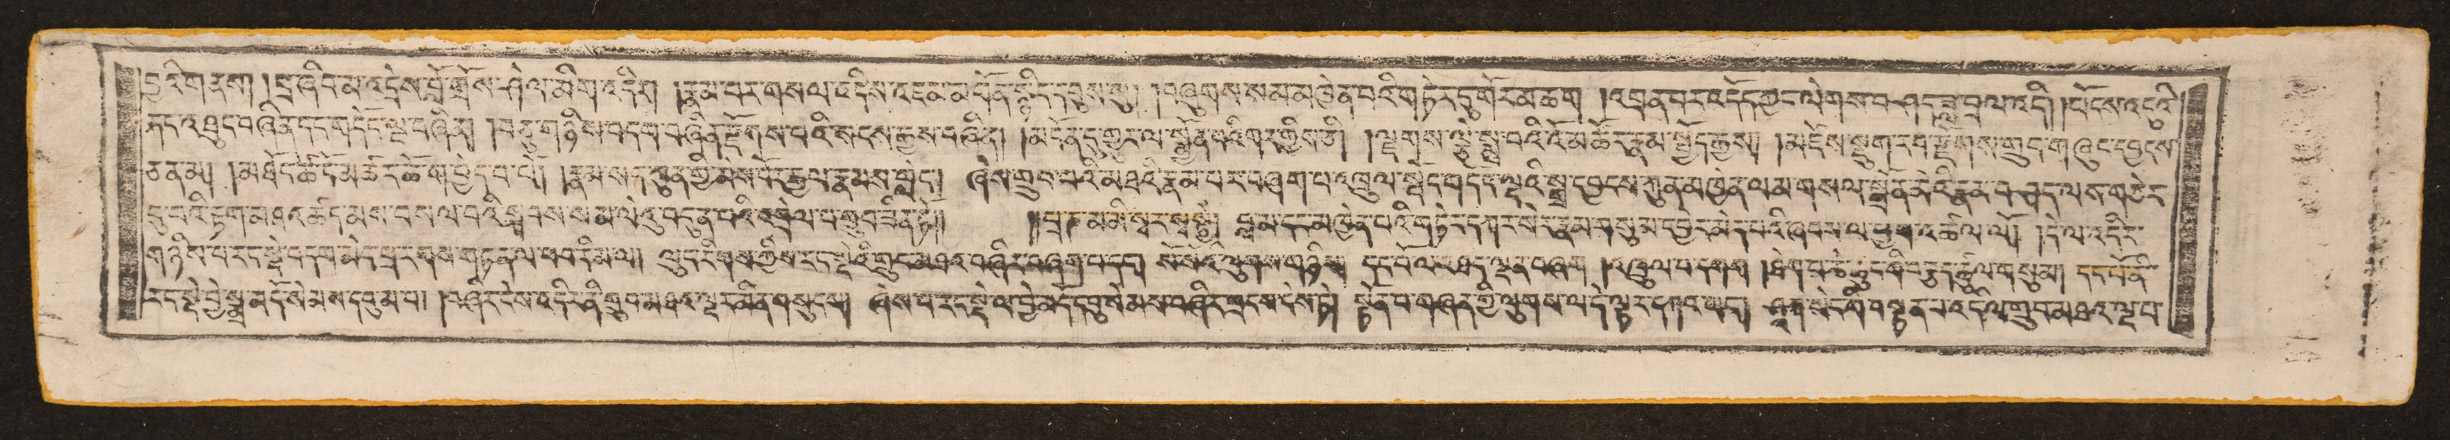བྱའི་གནས། །ཕྲ་ཞིབ་མ་འདྲེས་བློ་གྲོས་ཤེལ་མིག་འདིར། །རྣམ་པར་གསལ་འདིས་འཇམ་མགོན་སྙིང་དབུས་སུ། །བཞུགས་སམ་མཁྱེན་པའི་གཏེར་དུ་གོར་མ་ཆག །འགྲན་པར་འདོད་ཀྱང་ལེགས་བཤད་ཟླ་བྲལ་འདི། །ཡོངས་འདུའི་
རྐང་འཐུང་བཞིན་དང་གདོང་ལྔ་བཞིན། །བཅུ་གཉིས་བདག་བཞིན་རྫོགས་པའི་སངས་རྒྱས་བཞིན། །མངོན་དུ་གྱུར་ལ་སྨྱོན་པའི་གར་གྱིས་ཅི། །ལྗགས་ལྕེ་སྨྲ་བའི་འོ་མཚོར་རྣམ་སྤྱོད་རྒྱས། །མཛེས་སྡུག་རབ་རྫོགས་གྲུབ་གཞུང་དབྱངས་
ཅན་མ། །མཐོང་ཚེ་ངོ་མཚར་ཚེ་ག་?་བྱེད་པ་པོ། །རྣམས་དཀུན་གྱི་མེས་བོར་རྒྱལ་རྣམས་གླེང་། ཞེས་གྲུབ་པའི་མཐའི་རྣམ་པར་བཞག་པ་འཁྲུལ་སྤོང་གདོང་ལྔའི་སྒྲ་དབྱངས་ཀུན་མཁྱེན་ལམ་གསལ་སྒྲོན་མིའི་རྣམ་བཤད་ལས་གཅེར་
བུ་པའི་རྟག་མཐའ་ཚད་མས་བསལ་བའི་སྐབས་སམ་ལེའུ་བདུན་པའི་འགྲེལ་བ་གྲུབ་ཟིན་ཏོ།། །།པྲ་ཎ་མ་མི་སྭར་སྭསྟྱཻ། བླ་མ་དང་མཁྱེན་པའི་གཏེར་དཀར་སེར་རྣམ་གསུམ་དབྱེར་མེད་པའི་ཞབས་ལ་ཕྱག་འཚལ་ལོ། །དེ་ལ་འདིར་
གཉིས་པ་རང་སྡེ་བདག་མེད་ཕྲ་རགས་གཏན་ལ་ཕབ་རིམ་ལ། ལུང་རིགས་ཀྱིས་རང་སྡེའི་གྲུབ་མཐའ་བཞིར་བཞག་པ་དང་། སོ་སོའི་ལུགས་གཉིས། དང་པོ་ལ་འཐང་ལྡན་བཞག །འཁྲུལ་པ་དགག །ཐེག་པ་ཆེ་ཆུང་གི་བརྩད་ཚུལ་གསུམ། དང་པོ་ནི་
རང་སྡེ་བྱེ་སྨྲ་མདོ་སེམས་དབུ་མ་པ། །བཞིར་ངེས་འདིར་ནི་གྲུབ་མཐའ་ལྔར་མིན་གསུངས། ཞེས་པ་རང་སྡེལ་བྱེ་མདོ་དབུ་སེམས་བཞིར་གྲངས་ངེས་ཏེ། སྟོན་པ་གཞན་ཀྱི་ལུགས་ལ་དེ་ལྟར་དཀའ་ཡང་། ཤཱཀ་སེང་གི་བསྟན་པ་འདི་ལ་གྲུབ་མཐའ་ལྔ་པ་